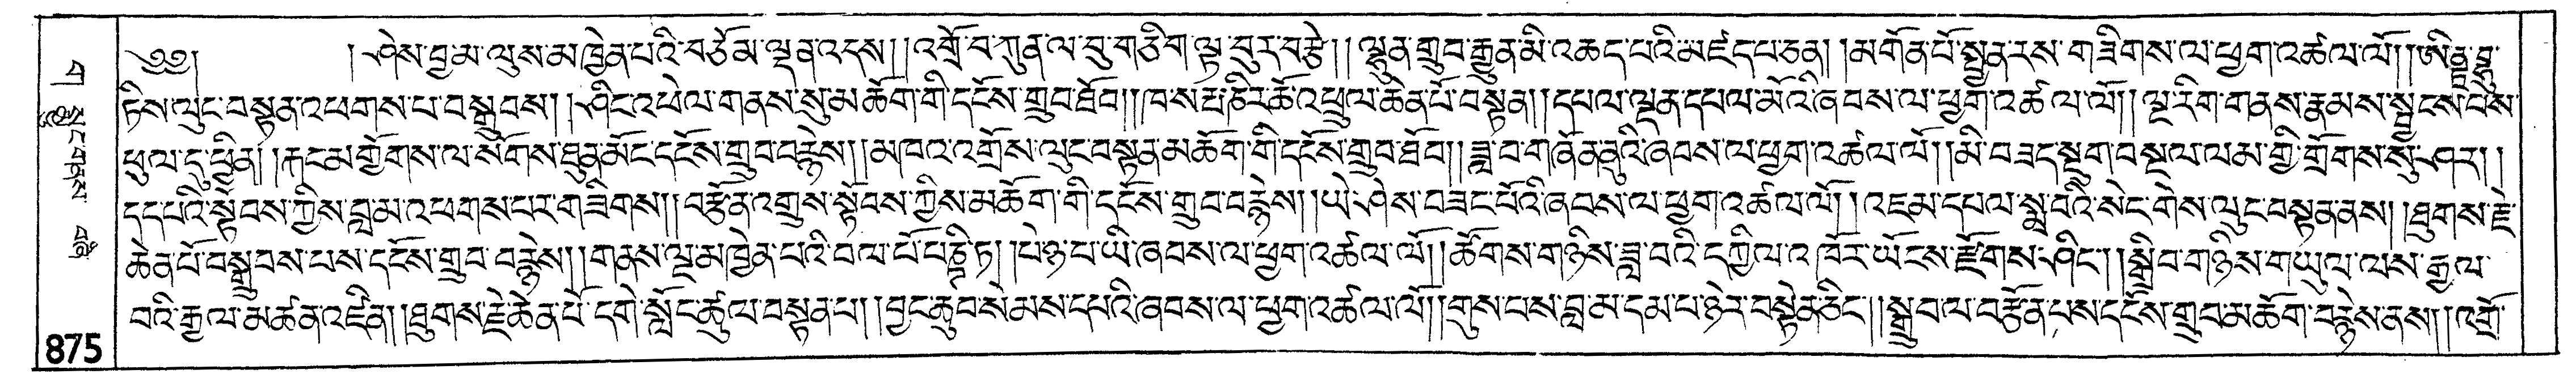༄༅། །ཤེས་བྱ་མ་ལུས་མཁྱེན་པའི་བཅོམ་ལྡན་འདས། །འགྲོ་བ་ཀུན་ལ་བུ་གཅིག་ལྟ་བུར་བརྩེ། །ལྷུན་གྲུབ་རྒྱུན་མི་འཆད་པའི་མཛད་པ་ཅན། །མགོན་པོ་སྤྱན་རས་གཟིགས་ལ་ཕྱག་འཚལ་ལོ། །ཨིནྟྲ་བྷུ་
ཏིས་ལུང་བསྟན་འཕགས་པ་བསྒྲུབས། །ཤིང་འཕེལ་གནས་སུ་མཆོག་གི་དངོས་གྲུབ་ཐོབ། །ཁ་སརྦ་ཎིར་ཆོ་འཕྲུལ་ཆེན་པོ་བསྟན། །དཔལ་ལྡན་དཔལ་མོའི་ཞབས་ལ་ཕྱག་འཚལ་ལོ། །ལྔ་རིག་གནས་རྣམས་སྦྱངས་པས་
ཕུལ་དུ་ཕྱིན། །རྐང་མགྱོགས་ལ་སོགས་ཐུན་མོང་དངོས་གྲུབ་བརྙེས། །མཁའ་འགྲོས་ལུང་བསྟན་མཆོག་གི་དངོས་གྲུབ་ཐོབ། །ཟླ་བ་གཞོན་ནུའི་ཞབས་ལ་ཕྱག་འཚལ་ལོ། །མི་བཟད་སྡུག་བསྔལ་ལམ་གྱི་གྲོགས་སུ་ཤར། །
དད་པའི་སྟོབས་ཀྱིས་བླ་མ་འཕགས་པར་གཟིགས། །བརྩོན་འགྲུས་སྟོབས་ཀྱིས་མཆོག་གི་དངོས་གྲུབ་བརྙེས། །ཡེ་ཤེས་བཟང་པོའི་ཞབས་ལ་ཕྱག་འཚལ་ལོ། །འཇམ་དཔལ་སྨྲ་བའི་སེང་གེས་ལུང་བསྟན་ནས། །ཐུགས་རྗེ་
ཆེན་པོ་བསྒྲུབས་པས་དངོས་གྲུབ་བརྙེས། །གནས་ལྔ་མཁྱེན་པའི་བལ་པོ་པཎྚི་ཏ། །པེ་ཉ་པ་ཡི་ཞབས་ལ་ཕྱག་འཚལ་ལོ། །ཚོགས་གཉིས་ཟླ་བའི་དཀྱིལ་འཁོར་ཡོངས་རྫོགས་ཤིང་། །སྒྲིབ་གཉིས་གཡུལ་ལས་རྒྱལ་
བའི་རྒྱལ་མཚན་འཛིན། །ཐུགས་རྗེ་ཆེན་པོ་དགེ་སློང་ཚུལ་བསྟན་པ། །བྱང་ཆུབ་སེམས་དཔའི་ཞབས་ལ་ཕྱག་འཚལ་ལོ། །གུས་པས་བླ་མ་དམ་པ་ཉེར་བསྟེན་ཅིང་། །སྒྲུབ་ལ་བརྩོན་པས་དངོས་གྲུབ་མཆོག་བརྙེས་ནས། །འགྲོ་